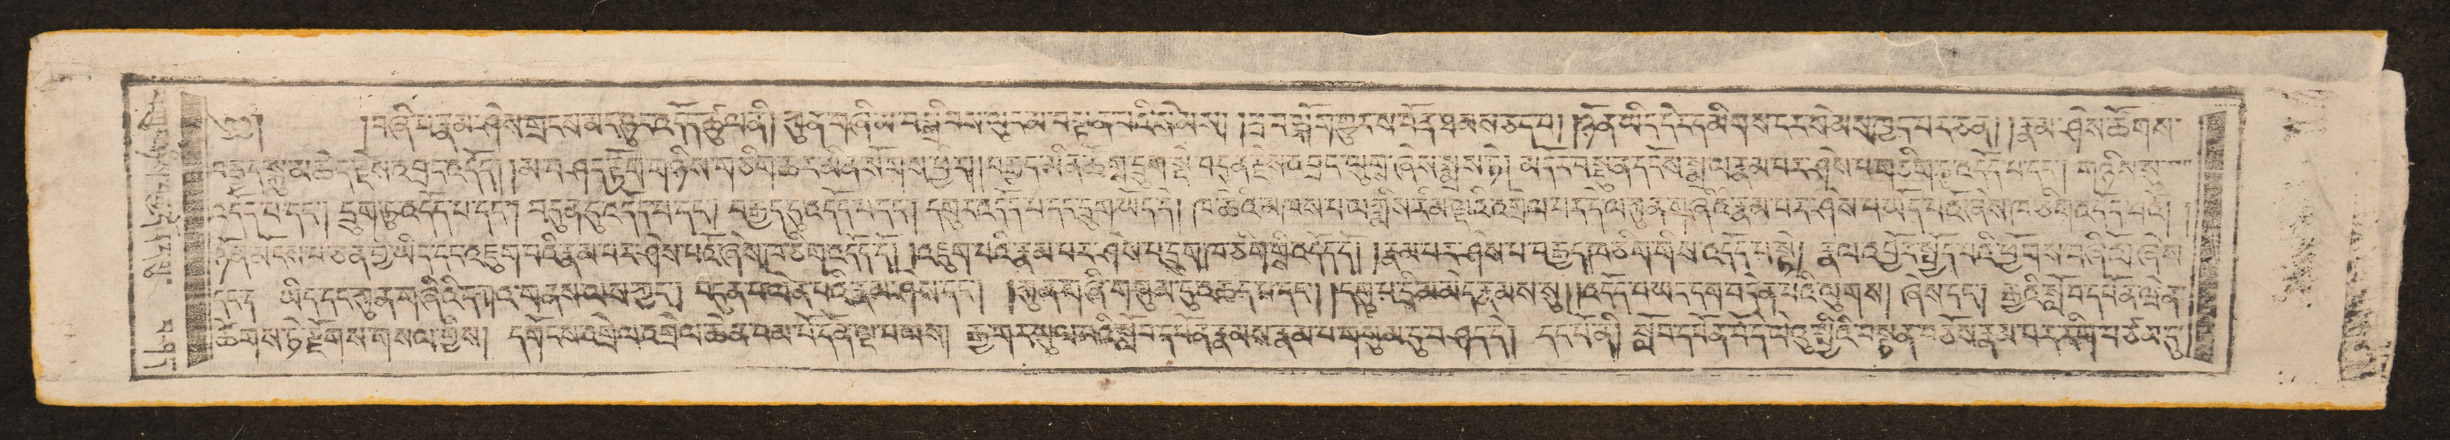༄༅། །བཞི་པ་རྣམ་ཤེས་གྲངས་མང་ཉུང་འདོད་ཚུལ་ནི། ཀུན་གཞི་མ་བསྒྲིབས་ལུང་མ་བསྟན་པའི་སེམས། །ཕྲ་བ་ལྐོག་གྱུར་ས་བོན་ཐམས་ཅད་པ། །ཉོན་ཡིད་དེར་དམིགས་ངར་སེམས་ཁྱད་པར་ཅན། །རྣམ་ཤེས་ཚོགས་
བརྒྱད་སྐུ་མཆེད་རྗེས་འབྲང་འདོད། །མ་བཤད་རྟོག་གཉིས་གཅིག་ཆར་མིན་སོགས་ཕྱིར། །བརྒྱད་མིན་ཚོགས་དྲུག་སྡེ་བདུན་རྗེས་འབྲང་ལུགས་ཞེས་སྨྲས་ཏེ། མདོར་བསྡུ་ན་དངོས་སྨྲ་ལ་རྣམ་པར་ཤེས་པ་གཅིག་ཏུ་འདོད་པ་དང་། གཉིས་སུ་
འདོད་པ་དང་། དྲུག་ཏུ་འདོད་པ་དང་། བདུན་དུ་འདོད་པ་དང་། བརྒྱད་དུ་འདོད་པ་དང་། དགུར་འདོད་པ་དང་དྲུག་ཡོད་དེ། ཁ་ཆེའི་མཁས་པ་ལཀྨིས་རིམ་ལྔའི་འགྲེལ་བར་དེ་ལ་ཀུན་གཞིའི་རྣམ་པར་ཤེས་པ་ཡོད་པའོ་ཞེས་ཁ་ཅིག་འདོད་པའོ། །
ཉོན་མོངས་པ་ཅན་གྱི་ཡིད་དང་འཇུག་པའི་རྣམ་པར་ཤེས་པའོ་ཞེས་ཁ་ཅིག་འདོད་དོ། །འཇུག་པའི་རྣམ་པར་ཤེས་པ་དྲུག་ཁ་ཅིག་གིས་འདོད་དོ། །རྣམ་པར་ཤེས་པ་བརྒྱད་ཁ་ཅིག་གིས་འདོད་པ་སྟེ། རྣལ་འབྱོར་སྤྱོད་པའི་ཕྱོགས་བཞིའོ། ཞེས་
དང༑ ཡིད་དང་ཀུན་གཞིའི་དཀའ་གནས་ལས་ཀྱང་། བདུན་པ་ལེན་པའི་རྣམ་ཤེས་དང་། །ཀུན་གཞི་གསུམ་དུ་འཆད་པ་དང་། །དགུ་པ་དྲི་མ་མེད་རྣམས་སུ། །འདོད་པ་ཡང་དག་བདེན་པའི་ལུགས། ཞེས་དང་། རྒྱའི་སློབ་དཔོན་ཝེན་
ཚེགས་ཏེ་རྫོགས་གསལ་གྱིས། དགོངས་འགྲེལ་འགྲེལ་ཆེན་བམ་པོ་དོན་ལྔ་པ་ལས། རྒྱ་གར་ཡུལ་པའི་སློབ་དཔོན་རྣམས་རྣམ་པ་གསུམ་དུ་བཤད་དེ། དང་པོ་ནི། སློབ་དཔོན་པོ་དེ་ལེའུ་སྤྱིའི་བསྟན་བཅོས་རྣམ་པར་རིག་པ་ཙམ་དུ་